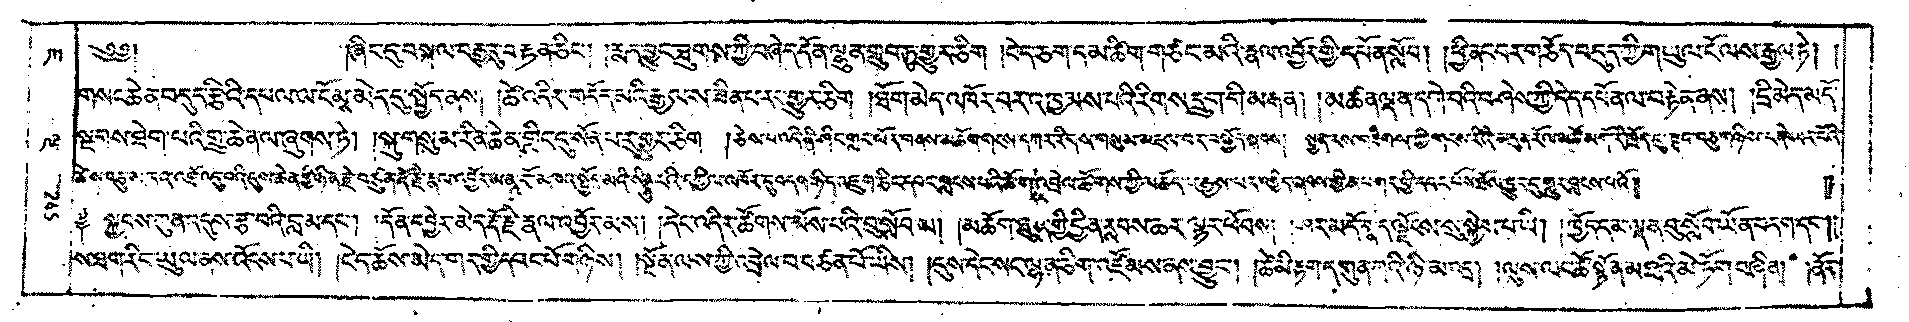༄༅། །ཞིང་དུ་བསྐལ་བརྒྱ་རུ་བརྟན་ཅིང་། །རྨད་བྱུང་ཐུགས་ཀྱི་བཞེད་དོན་ལྷུན་གྲུབ་ཏུ་གྱུར་ཅིག །ངེད་ཅག་དམ་ཚིག་གཙང་མའི་རྣལ་འབྱོར་གྱི་དཔོན་སློབ། །ཕྱི་ནང་བར་གཅོད་བདུད་ཀྱི་གཡུལ་ངོ་ལས་རྒྱལ་ཏེ། །
གསང་ཆེན་བདུད་རྩིའི་དཔལ་ལ་ངོམས་མེད་དུ་སྤྱོད་ནས། །ཚེ་འདིར་གདོད་མའི་རྒྱལ་ས་ཟིན་པ་རང་གྱུར་ཅིག །ཐོག་མེད་འཁོར་བར་འཁྱམས་པའི་རིགས་དྲུག་གི་མ་རྒན། །མཚན་ལྡན་དགེ་བའི་བཤེས་ཀྱི་དེད་དཔོན་ལ་བརྟེན་ནས། །དྲི་མེད་མདོ་
སྔགས་ཐེག་པའི་གྲུ་ཆེན་ལ་ཞུགས་ཏེ། །སྐུ་གསུམ་རིན་ཆེན་གླིང་དུ་སོན་པ་རུ་གྱུར་ཅིག །ཅེས་པ་འདི་ནི་ཤིང་གླང་ལོར་གནས་མཆོག་གངས་དཀར་རིགས་གསུམ་མཇལ་བར་བསྐྱོད་སྐབས། སྤྱན་རས་གཟིགས་ཀྱི་གངས་རིའི་མདུན་རོལ་མཚོ་མགོ་རི་ཁྲོད་དུ་ཟླ་བ་བཅུ་གཉིས་པའི་ཡར་ངོའི་
ཚེས་བཅུ་མཁའ་འགྲོ་འདུ་བའི་དུས་ཆེན་གྱི་ཉིན་རྗེ་བཙུན་རྡོ་རྗེ་རྣལ་འབྱོར་མ་ནཱ་རོ་མཁའ་སྤྱོད་མའི་སིནྡྷུ་རའིད་ཀྱིལ་འཁོར་དུ་བདག་ཉིད་འཇུག་ཅིང་དབང་བླངས་པའི་ཆོ་ག་དང་འབྲེལ་ཚོགས་ཀྱི་མཆོད་པ་རྒྱས་པར་བགྱིད་སྐབས་ཀྱི་གྱིན་པ་གར་གྱི་དབང་པོས་ཐོལ་བྱུང་དུ་གླུར་བླངས་པའོ།། །།
༈ སྐྱབས་ཀུན་འདུས་རྩ་བའི་བླ་མ། །དོན་དབྱེར་མེད་རྡོ་རྗེ་རྣལ་འབྱོར་མས། །དེང་འདིར་ཚོགས་མོས་པའི་བུ་སློབ་ལ། །མཆོག་ཐུན་གྱི་བྱིན་རླབས་ཆར་ལྟར་ཕོབས། །ཤར་མདོ་སྨད་ལྗོངས་སུ་སྐྱེས་པ་ཡི། །ཁྱོད་དམ་ལྡན་བུ་སློབ་ཡོན་བདག་དང།།
ས་ཐག་རིང་ཡུལ་ནས་འོངས་པ་ཡི། །ངེད་ཆོས་མེད་གར་གྱི་དབང་པོ་གཉིས། །སྔོན་ལས་ཀྱི་འབྲེལ་བ་བཙན་པོ་ཡིས། །དུས་དེང་སང་ལྷན་ཅིག་འཛོམས་ནས་བྱུང་། །ཚེ་མི་རྟག་དགུན་ཀའི་ཉི་མ་འདྲ། །ལུས་ལང་ཚོ་སྟོན་མཐའི་མེ་ཏོག་བཞིན། །ནོར་